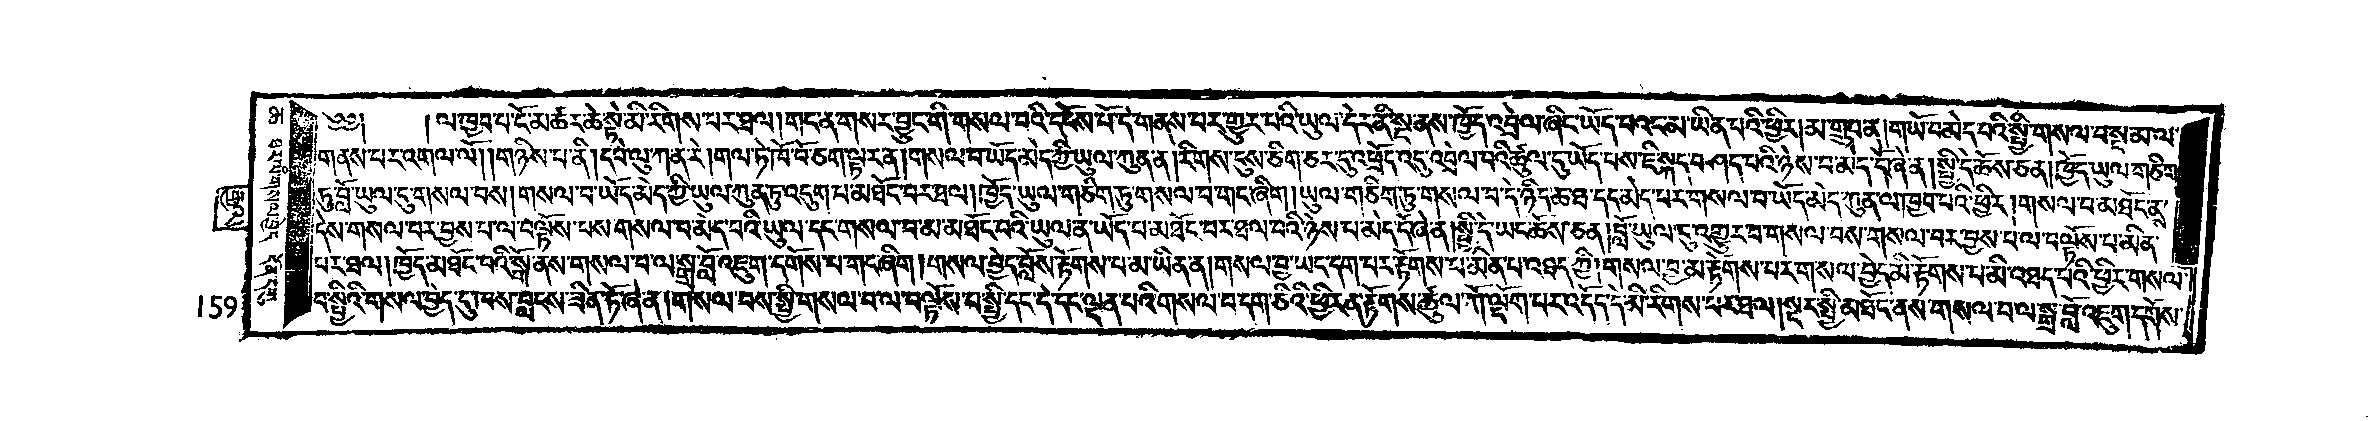༄༅། །ལ་ཁྱབ་པ་ངོ་མཚར་ཆེ་སྟེ་མི་རིགས་པར་ཐལ། གང་ན་གསར་བྱུང་གི་གསལ་བའི་དངོས་པོ་དེ་གནས་པར་གྱུར་པའི་ཡུལ་དེར་ནི་སྔ་ནས་ཁྱོད་འབྲེལ་ཞིང་ཡོད་པའང་མ་ཡིན་པའི་ཕྱིར། མ་གྲུབ་ན། གཡོ་བ་མེད་པའི་སྤྱི་གསལ་བ་སྔ་མ་ལ་
གནས་པར་འགལ་ལོ། །གཉིས་པ་ནི། དཔེ་ལུ་ཀ་ན་རེ། གལ་ཏེ་ཁོ་བོ་ཅག་ལྟར་ན། གསལ་བ་ཡོད་མེད་ཀྱི་ཡུལ་ཀུན་ན། རིགས་དུས་ཅིག་ཅར་དུ་འཕྲོད་འདུ་འབྲེལ་བའི་ཚུལ་དུ་ཡོད་པས་ཇི་སྐད་བཤད་པའི་ཉེས་པ་མེད་དོ་ཞེ་ན། སྤྱི་དེ་ཆོས་ཅན། ཁྱོད་ཡུལ་གཅིག་
ཏུ་བློ་ཡུལ་དུ་གསལ་བས། གསལ་བ་ཡོད་མེད་ཀྱི་ཡུལ་ཀུན་ཏུ་འདུག་པ་མཐོང་བར་ཐལ། ཁྱོད་ཡུལ་གཅིག་ཏུ་གསལ་བ་གང་ཞིག །ཡུལ་གཅིག་ཏུ་གསལ་བ་དེ་ཉིད་ཆ་ཐ་དད་མེད་པར་གསལ་བ་ཡོད་མེད་ཀུན་ལ་ཁྱབ་པའི་ཕྱིར། གསལ་བ་མཐོང་ནས་
དེས་གསལ་བར་བྱས་པ་ལ་བལྟོས་པས་གསལ་བ་མེད་པའི་ཡུལ་དང་གསལ་བ་མ་མཐོང་བའི་ཡུལ་ན་ཡོད་པ་མཐོང་བར་ཐལ་བའི་ཉེས་པ་མེད་དོ་ཞེ་ན། སྤྱི་དེ་ཡང་ཆོས་ཅན། བློ་ཡུལ་དུ་འགྱུར་བ་གསལ་བས་གསལ་བར་བྱས་པ་ལ་བལྟོས་པ་མིན་
པར་ཐལ། ཁྱོད་མཐོང་བའི་སྒོ་ནས་གསལ་བ་ལ་སྒྲ་བློ་འཇུག་དགོས་པ་གང་ཞིག །གསལ་བྱེད་བློས་རྟོགས་པ་མ་ཡིན་ན། གསལ་བྱ་ཡང་དག་པར་རྟོགས་པ་མིན་པ་འཐད་ཀྱི། གསལ་བྱ་མ་རྟོགས་པར་གསལ་བྱེད་མི་རྟོགས་པ་མི་འཐད་པའི་ཕྱིར་གསལ་
བ་སྤྱིའི་གསལ་བྱེད་དུ་ཁས་བླངས་ཟིན་ཏོ་ཞེ་ན། གསལ་བས་སྤྱི་གསལ་བ་ལ་བལྟོས་པ་སྤྱི་དང་དེ་དང་ལྡན་པའི་གསལ་བ་དག་ཅིའི་ཕྱིར་ན་རྟོགས་ཚུལ་ཀོ་ལྡོག་པར་འདོད་དེ་མི་རིགས་པར་ཐལ། སྔར་སྤྱི་མཐོང་ནས་གསལ་བ་ལ་སྒྲ་བློ་འཇུག་དགོས་